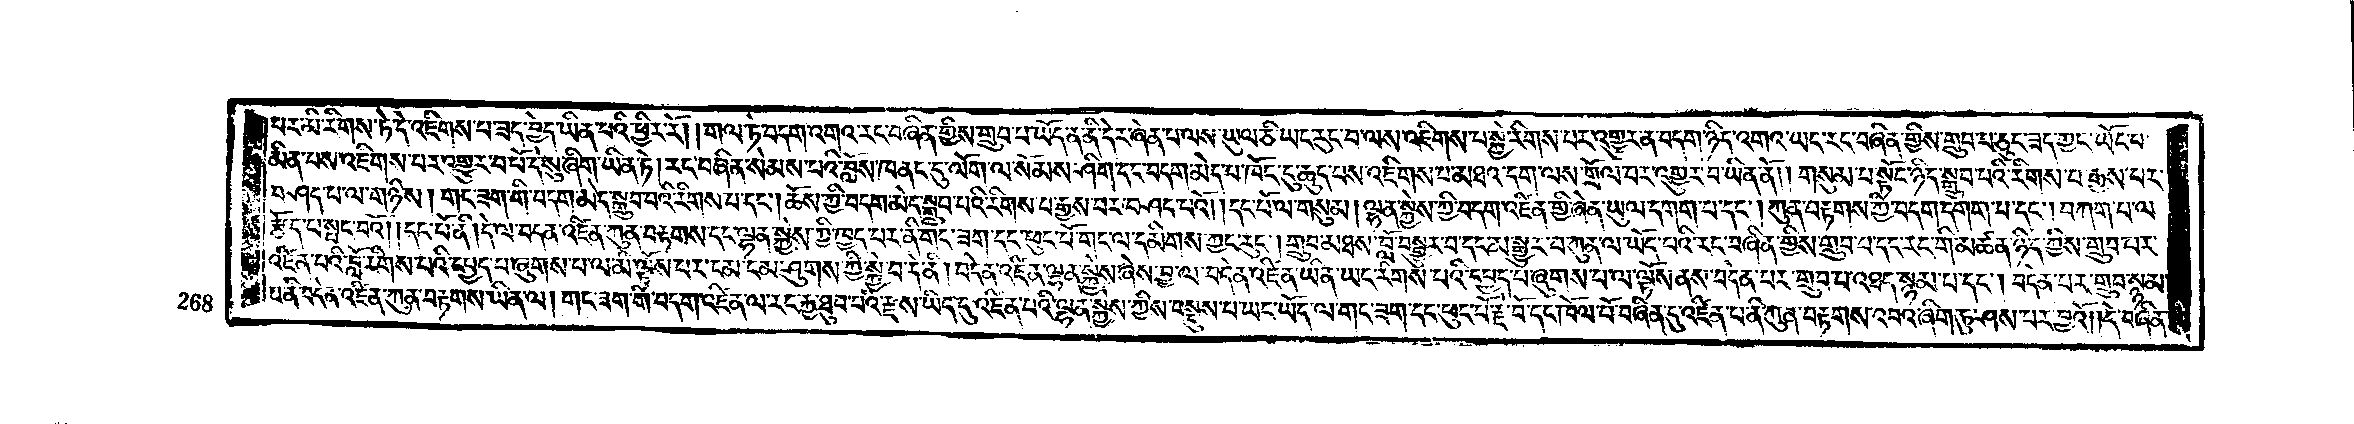པར་མི་རིགས་ཏེ་དེ་འཇིགས་པ་ཟད་བྱེད་ཡིན་པའི་ཕྱིར་རོ། །གལ་ཏེ་བདག་འགའ་རང་བཞིན་གྱིས་གྲུབ་པ་ཡོད་ན་ནི་དེར་ཞེན་པ་ལས་ཡུལ་ཅི་ཡང་རུང་བ་ལས་འཇིགས་པ་སྐྱེ་རིགས་པར་འགྱུར་ན་བདག་ཉིད་འགའ་ཡང་རང་བཞིན་གྱིས་གྲུབ་པ་ཅུང་ཟད་ཀྱང་ཡོད་པ་
མིན་པས་འཇིགས་པར་འགྱུར་བ་པོ་དེ་སུ་ཞིག་ཡིན་ཏེ། རང་བཞིན་སེམས་པའི་བློས་ཁ་ནང་དུ་ལོག་ལ་སོགས་ཤིག་དང་བདག་མེད་པ་ཁོང་དུ་ཆུད་པས་འཇིགས་པ་མཐའ་དག་ལས་གྲོལ་བར་འགྱུར་བ་ཡིན་ནོ། །གསུམ་པ་སྟོང་ཉིད་སྒྲུབ་པའི་རིགས་པ་རྒྱས་པར་
བཤད་པ་ལ་གཉིས། གང་ཟག་གི་བདག་མེད་སྒྲུབ་པའི་རིགས་པ་དང་། ཆོས་ཀྱི་བདག་མེད་སྒྲུབ་པའི་རིགས་པ་རྒྱས་པར་བཤད་པའོ། །དང་པོ་ལ་གསུམ། ལྷན་སྐྱེས་ཀྱི་བདག་འཛིན་གྱི་ཞེན་ཡུལ་དགག་པ་དང་། ཀུན་བརྟགས་ཀྱི་བདག་དགག་པ་དང་། བཀག་པ་ལ་
རྩོད་པ་སྤང་བའོ། །དང་པོ་ནི། དེ་ལ་བདེན་འཛིན་ཀུན་བརྟགས་དང་ལྷན་སྐྱེས་ཀྱི་ཁྱད་པར་ནི་གང་ཟག་དང་ཕུང་པོ་གང་ལ་དམིགས་ཀྱང་རུང་། གྲུབ་མཐས་བློ་བསྒྱུར་བ་དང་མ་སྒྱུར་བ་ཀུན་ལ་ཡོད་པའི་རང་བཞིན་གྱིས་གྲུབ་པ་དང་རང་གི་མཚན་ཉིད་ཀྱིས་གྲུབ་པར་
འཛིན་པའི་བློ་རིགས་པའི་དཔྱད་པ་ཞུགས་པ་ལ་མི་ལྟོས་པར་ངམ་ངམ་ཤུགས་ཀྱི་སྐྱེ་བ་དེ་ནི། བདེན་འཛིན་ལྷན་སྐྱེས་ཞེས་བྱ་ལ་བདེན་འཛིན་ཡིན་ཡང་རིགས་པའི་དཔྱད་པ་ཞུགས་པ་ལ་ལྟོས་ནས་བདེན་པར་གྲུབ་པ་འཐད་སྙམ་པ་དང་། བདེན་པ་གྲུབ་སྙམ་
པ་ནི་བདེན་འཛིན་ཀུན་བརྟགས་ཡིན་ལ། གང་ཟག་གི་བདག་འཛིན་ལ་རང་རྐྱ་ཐུབ་པའི་རྫས་ཡིད་དུ་འཛིན་པའི་ལྷན་སྐྱེས་ཀྱིས་བསྡུས་པ་ཡང་ཡོད་ལ་གང་ཟག་དང་ཕུང་པོ་རྗེ་བོ་དང་ཁོལ་པོ་བཞིན་དུ་འཛིན་པ་ནི་ཀུན་བརྟགས་འབའ་ཞིག་ཏུ་ཤེས་པར་བྱའོ། །དེ་བཞིན་